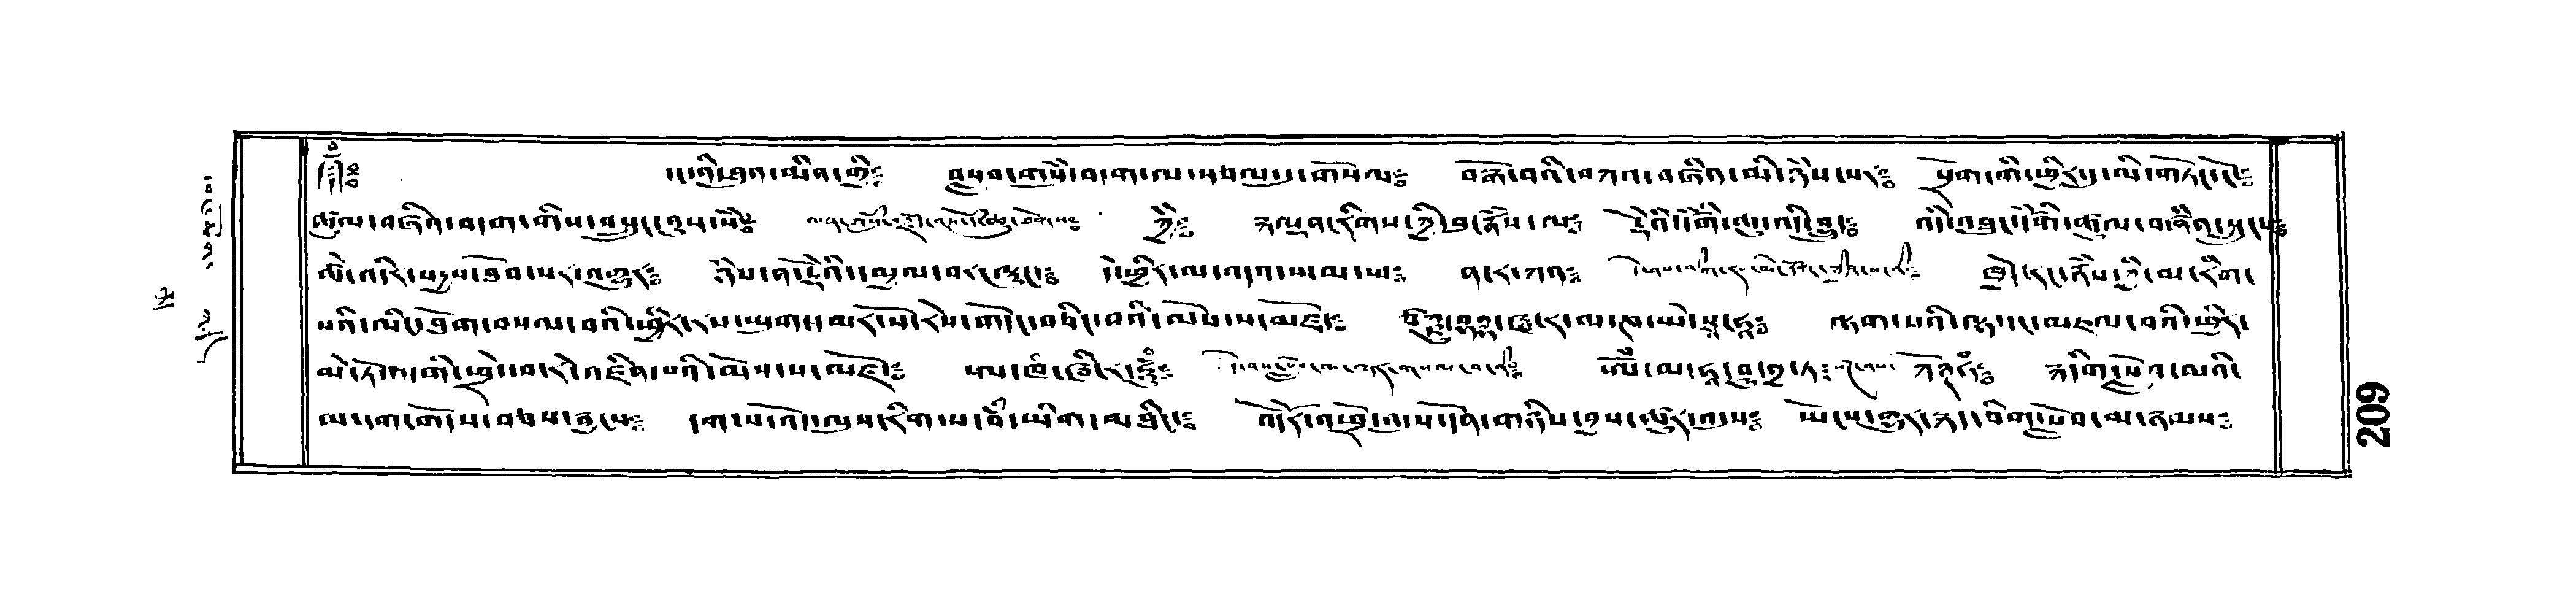དང་ནི་ཐུན་མིན་གྱི༔ བསླབ་གསུམ་བདག་ལ་བསྩལ་དུ་གསོལ༔ བསྒོ་བའི་བཀའ་བཞིན་མི་ཉམས་པར༔ སྲོག་གི་ཕྱིར་དུ་མི་གཏོང་ངོ༔
 ཚུལ་བཞིན་བདག་གིས་བསྲུང་ནུས་སམ༔ ལན་གསུམ་བརྗོད་ནས་དམ་ཆུ་ཐོགས༔ ཀྱཻ༔ སྐལ་ལྡན་རིགས་ཀྱི་བུ་རྣམས་ལ༔ རྡོ་རྗེའི་དམ་ཚིག་ཆུ་འདི་བླུད༔ འདི་འཐུང་དམ་ཚིག་ཚུལ་བཞིན་སྲུངས༔ 
ཚེ་འདིར་སངས་རྒྱས་ཐོབ་པར་འགྱུར༔ ཉམས་ན་རྡོ་རྗེའི་དམྱལ་བར་ལྟུང༔ དེ་ཕྱིར་མ་འདའ་ས་མ་ཡ༔ ན་ར་ཀན༔ དེ་ནས་མིག་རས་མེ་ཏོག་སྦྱིན་པ་ནི༔ ཁྱེད་རང་རྣམས་ཀྱི་མ་རིག་
པའི་ལིང་ཐོག་བསལ་བའི་ཕྱིར་རས་ཡུག་དམར་པོ་རེས་གདོང་བཅིངས་བའི་མོས་པ་མཛོད༔ ཙཀྵུ་བྷནྡྷ་ཝ་ར་མ་ཎ་ཡེ་སྭཱ་ཧཱཿ ལྷག་པའི་ལྷ་དང་མཇལ་བའི་ཕྱིར་
མེ་ཏོག་གི་ཕྲེང་བར་རེ་འཛིན་པའི་མོས་པ་མཛོད༔ཨ་ཁཾ་ཝི་ར་ཧཱུྃ༔ དེ་ནས་སློབ་མ་ལྷར་གསལ་བ་ནི༔ ཨོཾ་མ་ཧཱ་བཱུ་ནྱ་ཏ་སོགས་ནས༔ ཀོ྅ཧཾཿ སྐད་ཅིག་སློབ་མའི་
མ་དག་གདོས་བཅས་སྦྱངས༔ དག་པ་འོད་ལུས་རིག་པ་བྃ་ཡིག་མཐིང༔ འོད་ཟེར་འཕྲོ་འདུས་དོན་གཉིས་བྱས་ཚུར་འདུས༔ ཡོངས་གྱུར་སྐད་ཅིག་སློབ་མ་རྣམས༔